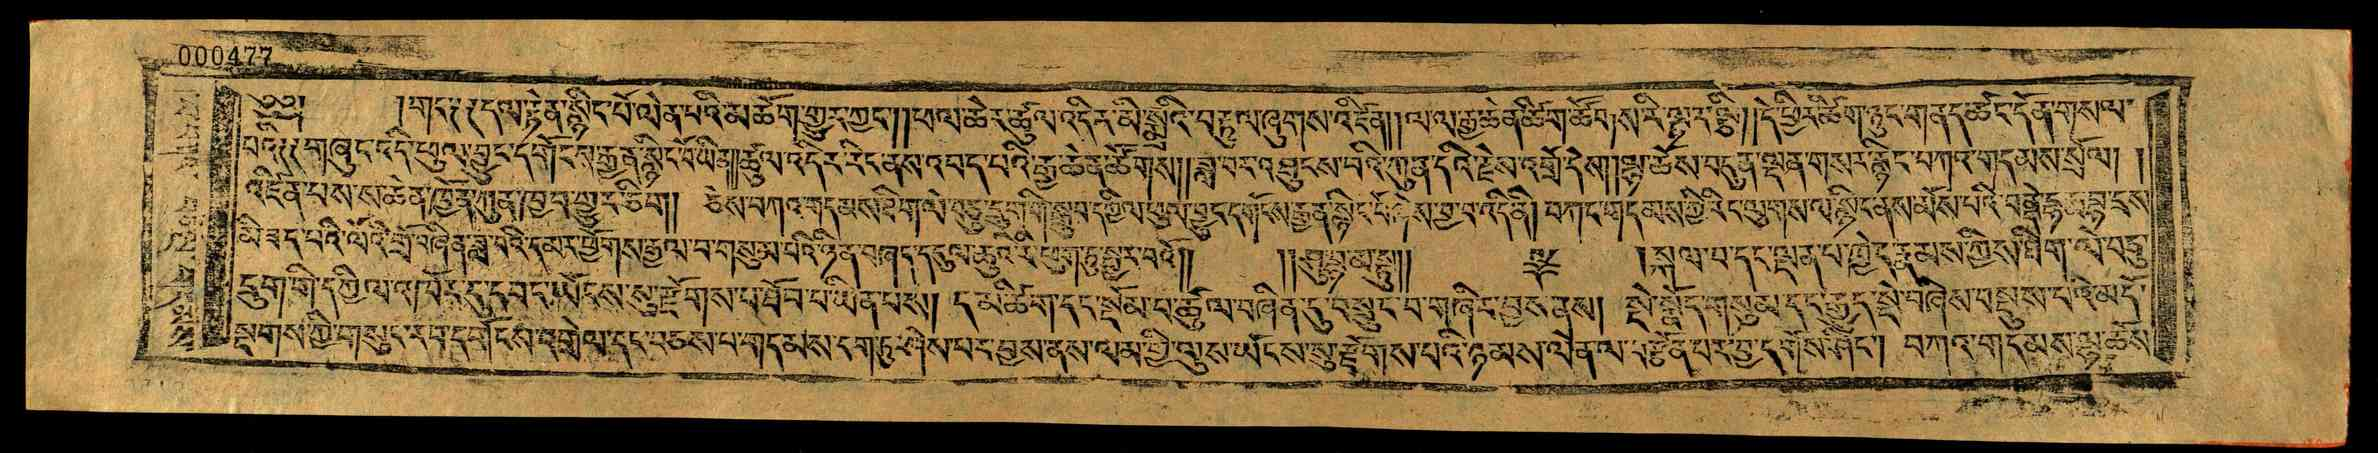༄༅། །གང༑ ༑དལ་རྟེན་སྙིང་པོ་ལེན་པའི་མཆོག་གྱུར་ཀྱང་། །ཕལ་ཆེར་ཚུལ་འདིར་མི་སྨྲའི་བརྟུལ་ཞུགས་འཛིན། །ལ་ལ་རྒྱ་ཆེན་ཚིག་ཚོགས་རི་ལྟར་ལྕི། །དེ་ཕྱིར་ཚིག་ཉུང་གནད་ཚད་དོན་གསལ་
བའི༑ ༑གཞུང་འདི་ཕུལ་བྱུང་དགོངས་རྒྱན་སྙིང་པོ་ཡིན། །ཚུལ་འདིར་རིང་ནས་འབད་པའི་རྒྱ་ཆེན་ཚོགས། །ཟླ་ཟེར་འཐུངས་པའི་ཀུན་དའི་རྗེས་འགྲོ་དེས། །ལྷ་ཆོས་བདུན་ལྡན་གསར་རྙིང་བཀའ་གདམས་སྲོལ། །
འཛིན་པས་ས་ཆེན་ཁྱོན་ཀུན་ཁྱབ་གྱུར་ཅིག། ཅེས་བཀའ་གདམས་ཐིག་ལེ་བཅུ་དྲུག་གི་སྒྲུབ་དཀྱིལ་ཕུལ་བྱུང་དགོངས་རྒྱན་སྙིང་པོ་ཞེས་བྱ་བ་འདི་ནི། བཀའ་གདམས་ཀྱི་རིང་ལུགས་ལ་སྙིང་ནས་མོས་པའི་བནྡྷེ་དྷརྨ་བྷ་དྲས་
མི་ཟད་པའི་ལོའི་གྲོ་བཞིན་ཟླ་བའི་དམར་ཕྱོགས་རྒྱལ་བ་གསུམ་པའི་ཉིན་བཞད་དངུལ་ཆུའི་རི་ཕུག་ཏུ་སྤྱར་བའོ།། །།ཤུ་བྷ་མསྟུ།། ༈ །སྐལ་བ་དང་ལྡན་པ་ཁྱེད་རྣམས་ཀྱིས་ཐིག་ལེ་བཅུ་
དྲུག་གི་དཀྱིལ་འཁོར་དུ་དབང་ཡོངས་སུ་རྫོགས་པ་ཐོབ་པ་ཡིན་པས། དམ་ཚིག་དང་སྡོམ་པ་ཚུལ་བཞིན་དུ་བསྲུང་བ་གཞིར་བྱས་ནས། སྡེ་སྣོད་གསུམ་དང་རྒྱུད་སྡེ་བཞིས་བསྡུས་པའི་མདོ་
སྔགས་ཀྱི་གསུང་རབ་དགོངས་འགྲེལ་དང་བཅས་པ་གདམས་ངག་ཏུ་ཤེས་པར་བྱས་ནས་ལམ་གྱི་ལུས་ཡོངས་སུ་རྫོགས་པའི་ཉམས་ལེན་ལ་བརྩོན་པར་བྱ་དགོས་ཤིང་། བཀའ་གདམས་ལྷ་ཆོས་